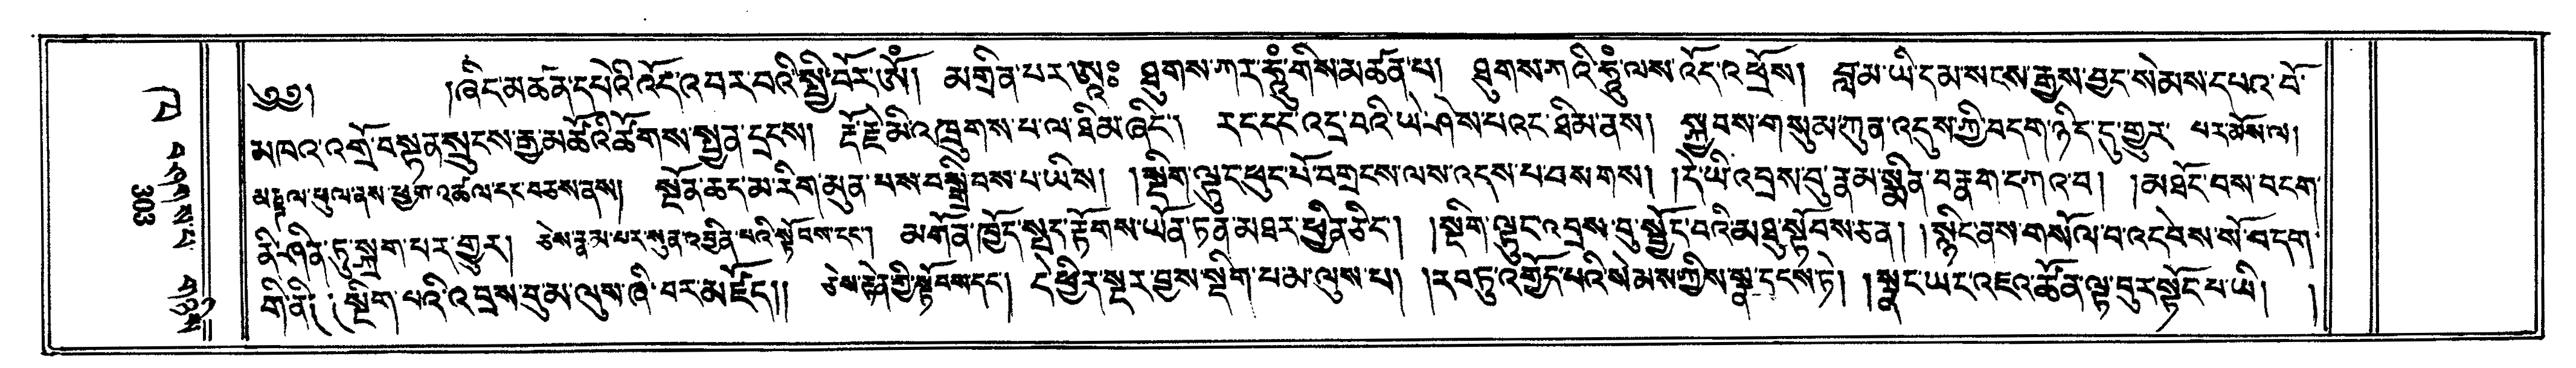༄༅། །ཞིང་མཚན་དཔེའི་འོད་འབར་བའི་སྤྱི་བོར་ཨོཾ། མགྲིན་པར་ཨཱཿ ཐུགས་ཀར་ཧཱུཾ་གིས་མཚན་པ། ཐུགས་ཀའི་ཧཱུཾ་ལས་འོད་འཕྲོས། བླ་མ་ཡི་དམ་སངས་རྒྱས་བྱང་སེམས་དཔའ་བོ་
མཁའ་འགྲོ་བསྟན་སྲུངས་རྒྱ་མཚོའི་ཚོགས་སྤྱན་དྲངས། རྡོ་རྗེ་མི་འཁྲུགས་པ་ལ་ཐིམ་ཞིང་། རང་དང་འདྲ་བའི་ཡེ་ཤེས་པའང་ཐིམ་ནས། སྐྱབས་གསུམ་ཀུན་འདུས་ཀྱི་བདག་ཉིད་དུ་གྱུར་པར་མོས་ལ།
མཎྜལ་ཕུལ་ནས་ཕྱག་འཚལ་དང་བཅས་ནས། སྔོན་ཆད་མ་རིག་མུན་པས་བསྒྲིབས་པ་ཡིས། །སྡིག་ལྟུང་ཕུང་པོ་བགྲངས་ལས་འདས་པ་བསགས། །དེ་ཡི་འབྲས་བུ་རྣམ་སྨིན་བརྣག་དཀའ་བ། །མཐོང་བས་བདག་
ནི་ཤིན་ཏུ་སྐྲག་བར་གྱུར། ཅེས་རྣམ་པར་སུན་འབྱིན་པའི་སྟོབས་དང་། མགོན་ཁྱོད་སྤང་རྟོགས་ཡོན་ཏན་མཐར་ཕྱིན་ཅིང་། །སྡིག་ལྟུང་འབྲས་བུ་སྦྱོང་བའི་མཐུ་སྟོབས་ཅན། །སྙིང་ནས་གསོལ་བ་འདེབས་སོ་བདག་
གི་ནི༑ ༑སྡིག་པའི་འབྲས་བུ་མ་ལུས་ཞི་བར་མཛོད།། ཅེས་རྟེན་གྱི་སྟོབས་དང་། དེ་ཕྱིར་སྔར་བྱས་སྡིག་བ་མ་ལུས་པ། །རབ་ཏུ་འགྱོད་པའི་སེམས་ཀྱིས་སྣ་དྲངས་ཏེ། །སྣང་ཡང་འཇའ་ཚོན་ལྟ་བུར་སྟོང་པ་ཡི། །